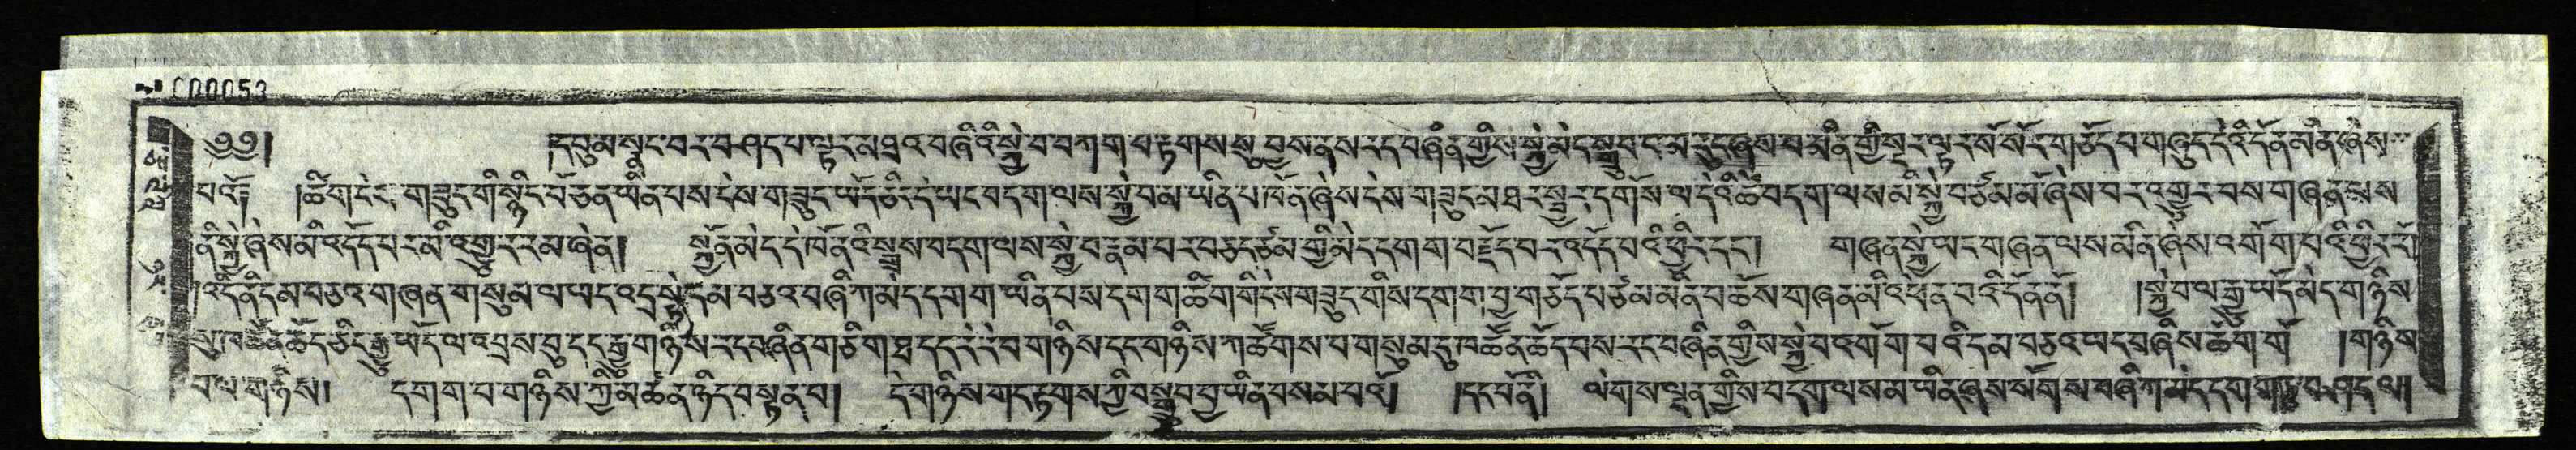༄༅། །དབུ་མ་སྣང་བར་བཤད་པ་ལྟར་མཐའ་བཞིའི་སྐྱེ་བ་བཀག་པ་རྟགས་སུ་བྱས་ནས་རང་བཞིན་གྱིས་སྐྱེ་མེད་སྒྲུབ་པ་མ་རུང་ཞེས་པ་མིན་གྱི་སྔར་ལྟར་སོ་སོར་གཅོད་པ་གཞུང་དེའི་དོན་མིན་ཞེས་
པའོ༑ །ཚིག་དེས་གཟུང་གི་སྙིང་པོ་ཅན་ཡིན་པས་དེས་གཟུང་ཡོད་ཅིང་དེ་ཡང་བདག་ལས་སྐྱེ་བ་མ་ཡིན་པ་ཁོ་ན་ཞེས་དེས་གཟུང་མཐར་སྦྱར་དགོས་ལ་དེའི་ཚེ་བདག་ལས་མི་སྐྱེ་བ་ཙམ་མོ་ཞེས་པར་འགྱུར་བས་གཞན་ལས་
ནི་སྐྱེ་ཞེས་མི་འདོད་པར་མི་འགྱུར་རམ་ཞེ་ན། སྐྱོན་མེད་དེ་ཁོ་ནའི་སྒྲས་བདག་ལས་སྐྱེ་བ་རྣམ་པར་བཅད་ཙམ་གྱི་མེད་དགག་བརྗོད་པར་འདོད་པའི་ཕྱིར་དང་། གཞན་སྐྱེ་ཡང་གཞན་ལས་མིན་ཞེས་འགོག་པའི་ཕྱིར་རོ།
འདི་ནི་དམ་བཅའ་གཞན་གསུམ་ལ་ཡང་འདྲ་སྟེ་དམ་བཅའ་བཞི་ཀ་མེད་དགག་ཡིན་པས་དགག་ཚིག་གི་ངེས་གཟུང་གིས་དགག་བྱ་གཅོད་པ་ཙམ་མིན་པ་ཆོས་གཞན་མི་འཕེན་པའི་དོན་ནོ། །སྐྱེ་བ་ལ་རྒྱུ་ཡོད་མེད་གཉིས་
སུ་ཁ་ཚོན་ཆོད་ཅིང་རྒྱུ་ཡོད་ལ་འབྲས་བུ་དང་རྒྱུ་གཉིས་རང་བཞིན་གཅིག་ཐ་དད་རེ་རེ་བ་གཉིས་དང་གཉིས་ཀ་ཚོགས་པ་གསུམ་དུ་ཁ་ཚོན་ཆོད་པས་རང་བཞིན་གྱིས་སྐྱེ་བ་འགོག་པའི་དམ་བཅའ་ཡང་བཞིས་ཆོག་གོ །གཉིས་
པ་ལ་གཉིས། དགག་པ་གཉིས་ཀྱི་མཚན་ཉིད་བསྟན་པ། དེ་གཉིས་གང་རྟགས་ཀྱི་བསྒྲུབ་བྱ་ཡིན་བསམ་པའོ། །དང་པོ་ནི། ལེགས་ལྡན་གྱིས་བདག་ལས་མ་ཡིན་ཞེས་སོགས་བཞི་ཀ་མེད་དགག་ཏུ་བཤད་ལ།